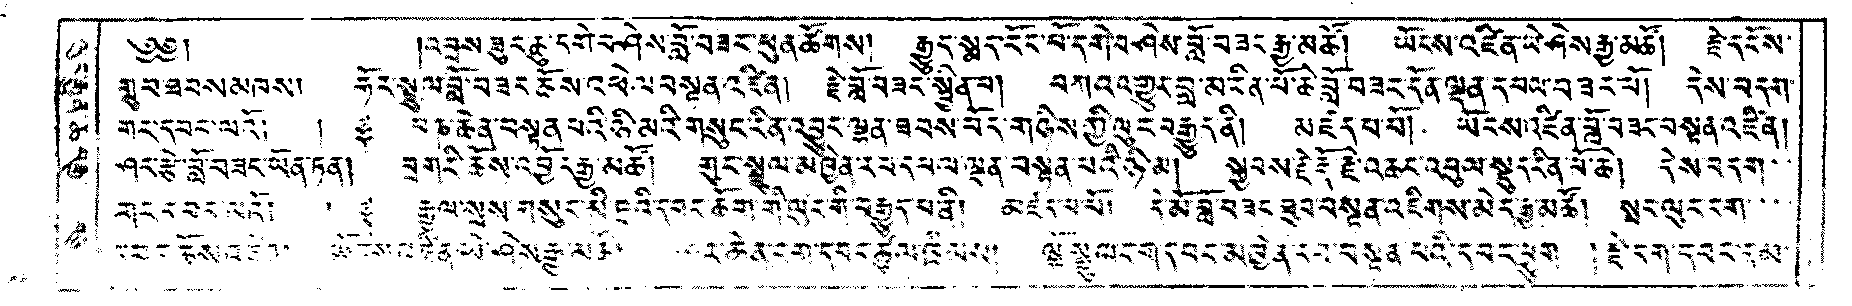༄༅། །འབྲས་ཟུང་ཆུ་དགེ་བཤེས་བློ་བཟང་ཕུན་ཚོགས། རྒྱུད་སྨད་རོང་པོ་དགེ་བཤེས་བློ་བཟང་རྒྱ་མཚོ། ཡོངས་འཛིན་ཡེ་ཤེས་རྒྱ་མཚོ། རྗེ་དངོས་
གྲུབ་ཐབས་མཁས། ཧོར་སྤྲུལ་བློ་བཟང་ཆོས་འཕེལ་བསྟན་འཛིན། རྗེ་བློ་བཟང་སྦྱིན་པ། བཀའ་འགྱུར་བླ་མ་རིན་པོ་ཆེ་བློ་བཟང་དོན་ལྡན་དཔལ་བཟང་པོ། དེས་བདག་
གར་དབང་ལའོ། ། ༈ པཎ་ཆེན་བསྟན་པའི་ཉི་མའི་གསུང་རིན་འབྱུང་ལྷན་ཐབས་པོད་གཉིས་ཀྱི་ལུང་བརྒྱུད་ནི། མཛད་པ་པོ། ཡོངས་འཛིན་བློ་བཟང་བསྟན་འཛིན།
ཤར་རྩེ་བློ་བཟང་ཡོན་ཏན། བྲག་རི་ཆོས་འབྱོར་རྒྱ་མཚོ། གུང་སྤྲུལ་མཁྱེན་རབ་དཔལ་ལྡན་བསྟན་པའི་ཉི་མ། སྐྱབས་རྗེ་རྡོ་རྗེ་འཆང་འབུལ་སྡུད་རིན་པོ་ཆེ། དེས་བདག་
གར་དབང་ལའོ། ། ༈ རྒྱལ་སྲས་གསུང་མི་ཏྲའི་དབང་ཆོག་གི་ལུང་གི་བརྒྱུད་པ་ནི། མཛད་པ་པོ། དེ་མོ་བློ་བཟང་ཐུབ་བསྟན་འཇིགས་མེད་རྒྱ་མཚོ། སྤང་ལུང་ངག་
དབང་ཆོས་འཛིན། ཡོངས་འཛིན་ཡེ་ཤེས་རྒྱ་མཚོ། ཤར་ཆེན་ངག་དབང་ཚུལ་ཁྲིམས། ལྷོ་སྤྲུལ་ངག་དབང་མཁྱེན་རབ་བསྟན་པའི་དབང་ཕྱུག །རྗེ་ངག་དབང་དམ་